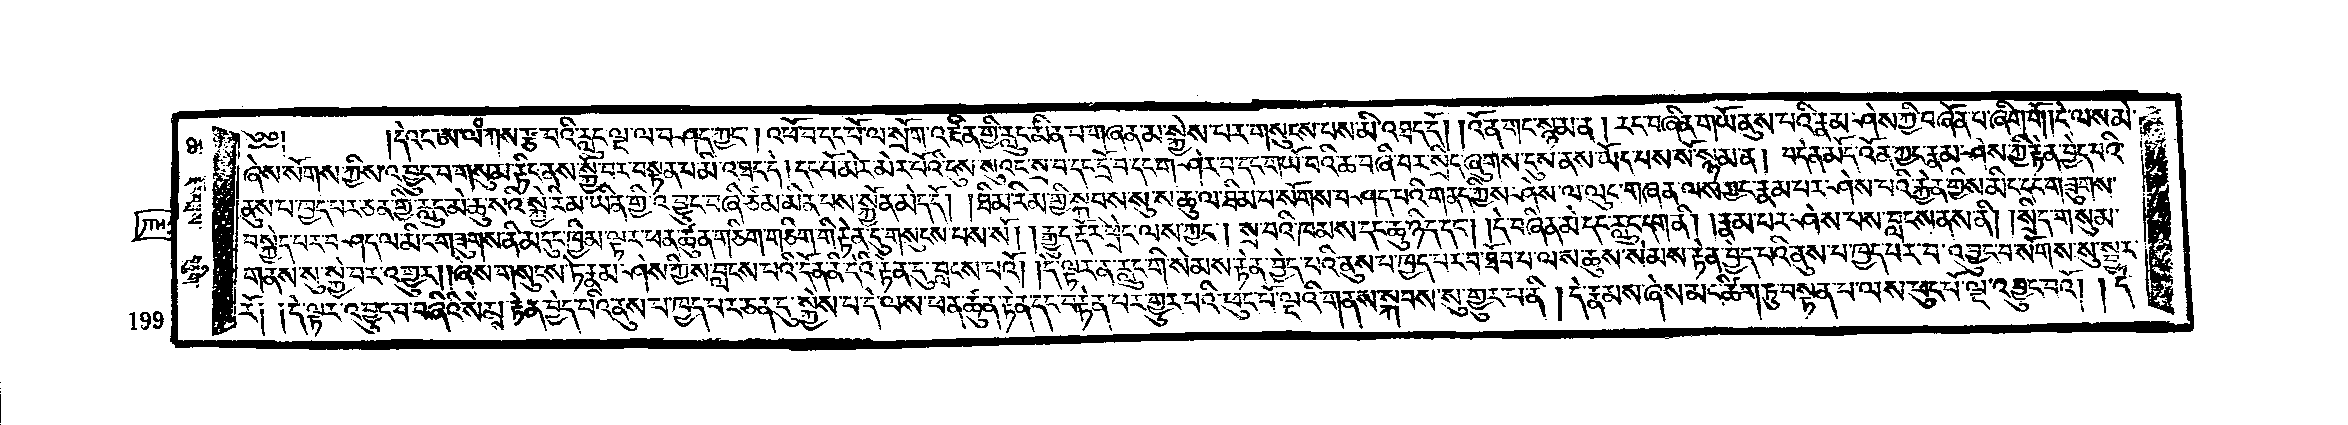༄༅། །དེའང་ཨ་ལཾ་ཀས་རྩ་བའི་རླུང་ལྔ་ལ་བཤད་ཀྱང་།འཕོ་བ་དང་པོ་ལ་སྲོག་འཛིན་གྱི་རླུང་མིན་པ་གཞན་མ་སྐྱེས་པར་གསུངས་པས་མི་འཐད་དོ། །འོ་ན་གང་སྙམ་ན། རང་བཞིན་གཡོ་ནུས་པའི་རྣམ་ཤེས་ཀྱི་བཞོན་པ་ཞིག་གོ །དེ་ལས་མེ་
ཞེས་སོགས་ཀྱིས་འབྱུང་བ་གསུམ་རྟིང་ནས་སྐྱེ་བར་བསྟན་པ་མི་འཐད་དེ། དང་པོ་མེར་མེར་པོའི་དུས་སུའང་སྲ་བ་དང་དྲོ་བ་དང་གཤེར་བ་དང་གཡོ་བའི་ཆ་བཞི་བར་སྲིད་ཞུགས་དུས་ནས་ཡོད་པས་སོ་སྙམ་ན། བདེན་མོད་འོན་ཀྱང་རྣམ་ཤེས་ཀྱི་རྟེན་བྱེད་པའི་
ནུས་པ་ཁྱད་པར་ཅན་གྱི་རླུང་མེ་ཆུ་སའི་སྐྱེ་རིམ་ཡིན་གྱི་འབྱུང་བཞི་ཙམ་མིན་པས་སྐྱོན་མེད་དོ། །ཐིམ་རིམ་གྱི་སྐབས་སུ་ས་ཆུ་ལ་ཐིམ་པ་སོགས་བཤད་པའི་གནད་ཀྱིས་ཤེས་ལ་ལུང་གཞན་ལས་ཀྱང་རྣམ་པར་ཤེས་པའི་རྐྱེན་གྱིས་མིང་དང་གཟུགས་
བསྐྱེད་པར་བཤད་ལ་མིང་གཟུགས་ནི་མདུང་ཁྱིམ་ལྟར་ཕན་ཚུན་གཅིག་གཅིག་གི་རྟེན་དུ་གསུངས་པས་སོ། །རྒྱུད་རྡོར་ཕྲེང་ལས་ཀྱང་། སྲ་བའི་ཁམས་དང་ཆུ་ཉིད་དང་། །དེ་བཞིན་མེ་དང་རླུང་དག་ནི། །རྣམ་པར་ཤེས་པས་བླངས་ནས་ནི། །སྲིད་གསུམ་
གནས་སུ་སྐྱེ་བར་འགྱུར། །ཞེས་གསུངས་ཏེ་རྣམ་ཤེས་ཀྱིས་བླངས་པའི་དོན་ནི་དེའི་རྟེན་དུ་བླངས་པའོ། །དེ་ལྟར་ན་རླུང་གི་སེམས་རྟེན་བྱེད་པའི་ནུས་པ་ཁྱད་པར་བ་ཐོབ་པ་ལས་ཆུས་སེམས་རྟེན་བྱེད་པའི་ནུས་པ་ཁྱད་པར་བ་འབྱུང་བ་སོགས་སུ་སྦྱར་
རོ། །དེ་ལྟར་འབྱུང་བ་བཞིའི་སེམས་རྟེན་བྱེད་པའི་ནུས་པ་ཁྱད་པར་ཅན་དུ་སྐྱེས་པ་དེ་ལས་ཕན་ཚུན་རྟེན་དང་བརྟེན་པར་གྱུར་པའི་ཕུང་པོ་ལྔའི་གནས་སྐབས་སུ་གྱུར་པ་ནི། དེ་རྣམས་ཞེས་མང་ཚིག་ཏུ་བསྟན་པ་ལས་ཕུང་པོ་ལྔ་འབྱུང་བའོ། །དེ་